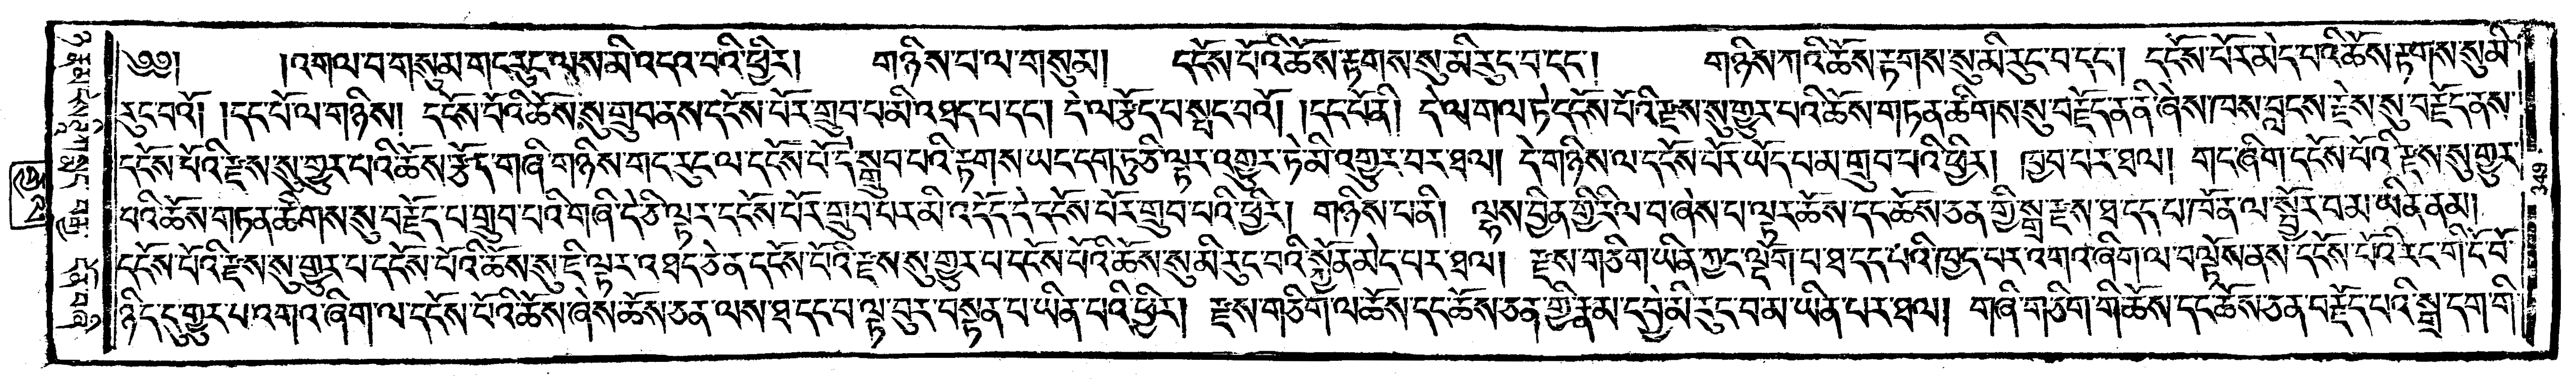༄༅། །འགལ་བ་གསུམ་གང་རུང་ལས་མི་འདའ་བའི་ཕྱིར། གཉིས་པ་ལ་གསུམ། དངོས་པོའི་ཆོས་རྟགས་སུ་མི་རུང་བ་དང་། གཉིས་ཀའི་ཆོས་རྟགས་སུ་མི་རུང་བ་དང་། དངོས་པོར་མེད་པའི་ཆོས་རྟགས་སུ་མི་
རུང་བའོ། །དང་པོ་ལ་གཉིས། དངོས་པོའི་ཆོས་སུ་གྲུབ་ནས་དངོས་པོར་གྲུབ་པ་མི་འཐད་པ་དང་། དེ་ལ་རྩོད་པ་སྤང་བའོ། །དང་པོ་ནི། དེ་ལ་གལ་ཏེ་དངོས་པོའི་རྫས་སུ་གྱུར་པའི་ཆོས་གཏན་ཚིགས་སུ་བརྗོད་ན་ནི་ཞེས་ཁས་བླངས་རྗེས་སུ་བརྗོད་ནས་
དངོས་པོའི་རྫས་སུ་གྱུར་པའི་ཆོས་རྩོད་གཞི་གཉིས་གང་རུང་ལ་དངོས་པོ་དེ་སྒྲུབ་པའི་རྟགས་ཡང་དག་ཏུ་ཅི་ལྟར་འགྱུར་ཏེ་མི་འགྱུར་བར་ཐལ། དེ་གཉིས་ལ་དངོས་པོར་ཡོད་པ་མ་གྲུབ་པའི་ཕྱིར། ཁྱབ་པར་ཐལ། གང་ཞིག་དངོས་པོའི་རྫས་སུ་གྱུར་
པའི་ཆོས་གཏན་ཚིགས་སུ་བརྗོད་པ་གྲུབ་པའི་གཞི་དེ་ཅི་ལྟར་དངོས་པོར་གྲུབ་པར་མི་འདོད་དེ་དངོས་པོར་གྲུབ་པའི་ཕྱིར། གཉིས་པ་ནི། ལྷས་བྱིན་གྱི་རིལ་བ་ཞེས་པ་ལྟར་ཆོས་དང་ཆོས་ཅན་གྱི་སྒྲ་རྫས་ཐ་དད་པ་ཁོ་ན་ལ་སྦྱོར་བ་མ་ཡིན་ནམ།
དངོས་པོའི་རྫས་སུ་གྱུར་པ་དངོས་པོའི་ཆོས་སུ་ཇི་ལྟར་འཐད་ཅེ་ན་དངོས་པོའི་རྫས་སུ་གྱུར་པ་དངོས་པོའི་ཆོས་སུ་མི་རུང་བའི་སྐྱོན་མེད་པར་ཐལ། རྫས་གཅིག་ཡིན་ཀྱང་ལྡོག་པ་ཐ་དད་པའི་ཁྱད་པར་འགའ་ཞིག་ལ་བལྟོས་ནས་དངོས་པོའི་རང་གི་ངོ་བོ་
ཉིད་དུ་གྱུར་པ་འགའ་ཞིག་ལ་དངོས་པོའི་ཆོས་ཞེས་ཆོས་ཅན་ལས་ཐ་དད་པ་ལྟ་བུར་བསྟན་པ་ཡིན་པའི་ཕྱིར། རྫས་གཅིག་ལ་ཆོས་དང་ཆོས་ཅན་གྱི་རྣམ་དབྱེ་མི་རུང་བ་མ་ཡིན་པར་ཐལ། གཞི་གཅིག་གི་ཆོས་དང་ཆོས་ཅན་བརྗོད་པའི་སྒྲ་དག་གི་